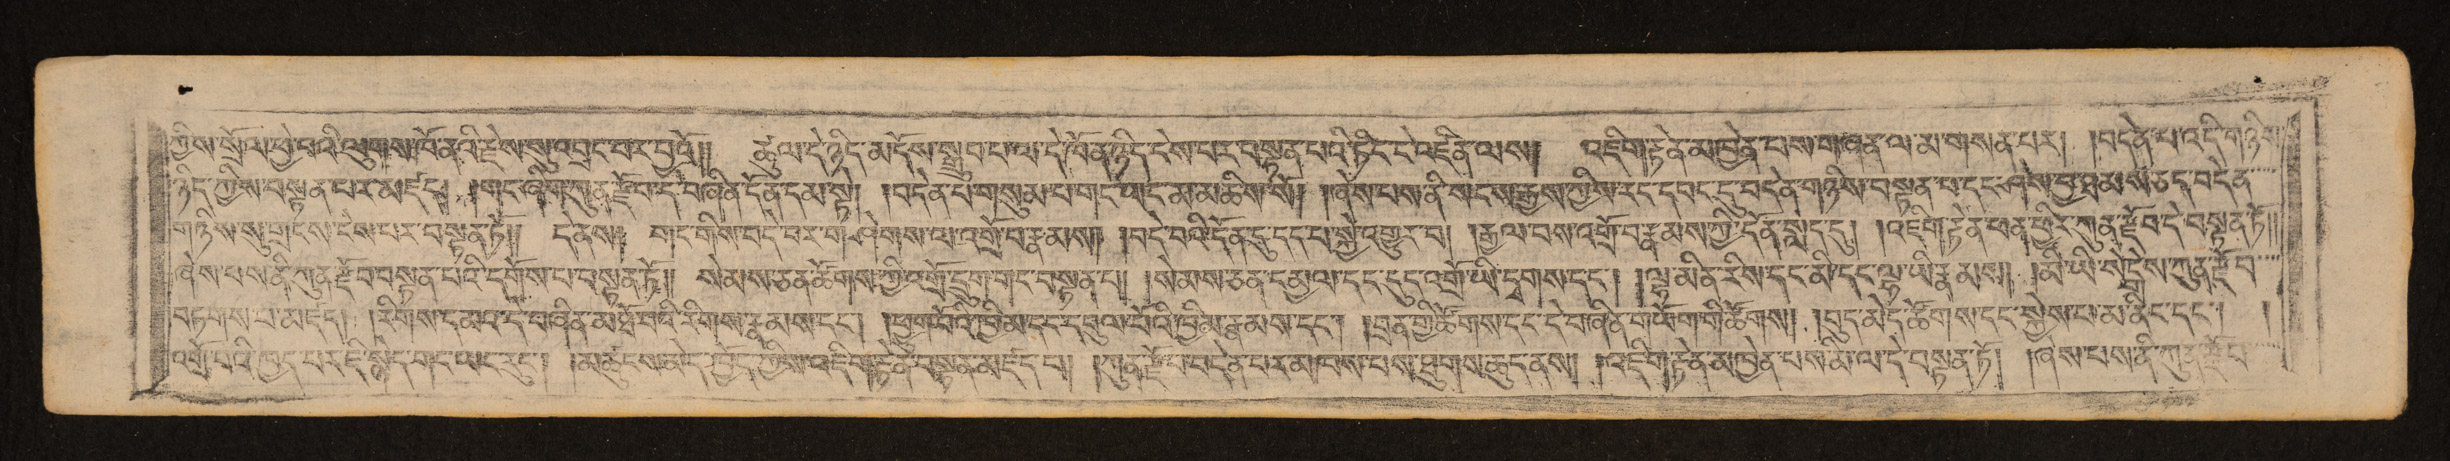ཀྱིས་སྲོལ་ཕྱེ་བའི་ལུགས་ཁོ་ནའི་རྗེས་སུ་འབྲང་བར་བྱའོ།། ཚུལ་དེ་ཉིད་མདོས་སྒྲུབ་པ་ལ་དེ་ཁོ་ན་ཉིད་ངེས་པར་བསྟན་པའི་ཏིང་ངེ་འཛིན་ལས། འཇིག་རྟེན་མཁྱེན་པས་གཞན་ལ་མ་གསན་པར། །བདེན་པ་འདི་གཉིས་
ཉིད་ཀྱིས་བསྟན་པར་མཛད། །གང་ཞིག་ཀུན་རྫོབ་དེ་བཞིན་དོན་དམ་སྟེ། །བདེན་པ་གསུམ་པ་གང་ཡང་མ་མཆིས་སོ། །ཞེས་པས་ནི་སངས་རྒྱས་ཀྱིས་རང་དབང་དུ་བདེན་གཉིས་བསྟན་པ་དང་ཤེས་བྱ་ཐམས་ཅད་བདེན་
གཉིས་སུ་གྲངས་ངེས་པར་བསྟན་ཏོ།། དེ་ནས། གང་གིས་བདེ་བར་གཤེགས་ལ་འགྲོ་བ་རྣམས། །བདེ་བའི་དོན་དུ་དད་པ་སྐྱེ་འགྱུར་བ། །རྒྱལ་བས་འགྲོ་བ་རྣམས་ཀྱི་དོན་སླད་དུ། །འཇིག་རྟེན་ཕན་ཕྱིར་ཀུན་རྫོབ་དེ་བསྟན་ཏོ།།
ཞེས་པས་ནི་ཀུན་རྫོབ་བསྟན་པའི་དགོས་པ་བསྟན་ཏོ།། སེམས་ཅན་ཚོགས་ཀྱི་འགྲོ་དྲུག་གང་བསྟན་པ། །སེམས་ཅན་དམྱལ་དང་དུད་འགྲོ་ཡི་དྭགས་དང་། །ལྷ་མིན་རིས་དང་མི་དང་ལྷ་ཡི་རྣམས། །མི་ཡི་སེངྒེས་ཀུན་རྫོབ་
བཏགས་པ་མཛད། །རིགས་དམའ་དེ་བཞིན་མཐོ་བའི་རིགས་རྣམས་དང་། །ཕྱུག་པོའི་ཁྱིམ་དང་དབུལ་པོའི་ཁྱིམ་རྣམས་དང་། །བྲན་གྱི་ཚོགས་དང་དེ་བཞིན་གཡོག་གི་ཚོགས། །བུད་མེད་ཚོགས་དང་སྐྱེས་པ་མ་ནིང་དང།།
འགྲོ་བའི་ཁྱད་པར་ཇི་སྙེད་གང་ཡང་རུང་། །མཚུངས་མེད་ཁྱོད་ཀྱིས་འཇིག་རྟེན་བསྟན་མཛད་པ། །ཀུན་རྫོབ་བདེན་པར་མཁས་པས་ཐུགས་ཆུད་ནས། །འཇིག་རྟེན་མཁྱེན་པས་མི་ལ་དེ་བསྟན་ཏོ། །ཞེས་པས་ནི་ཀུན་རྫོབ་